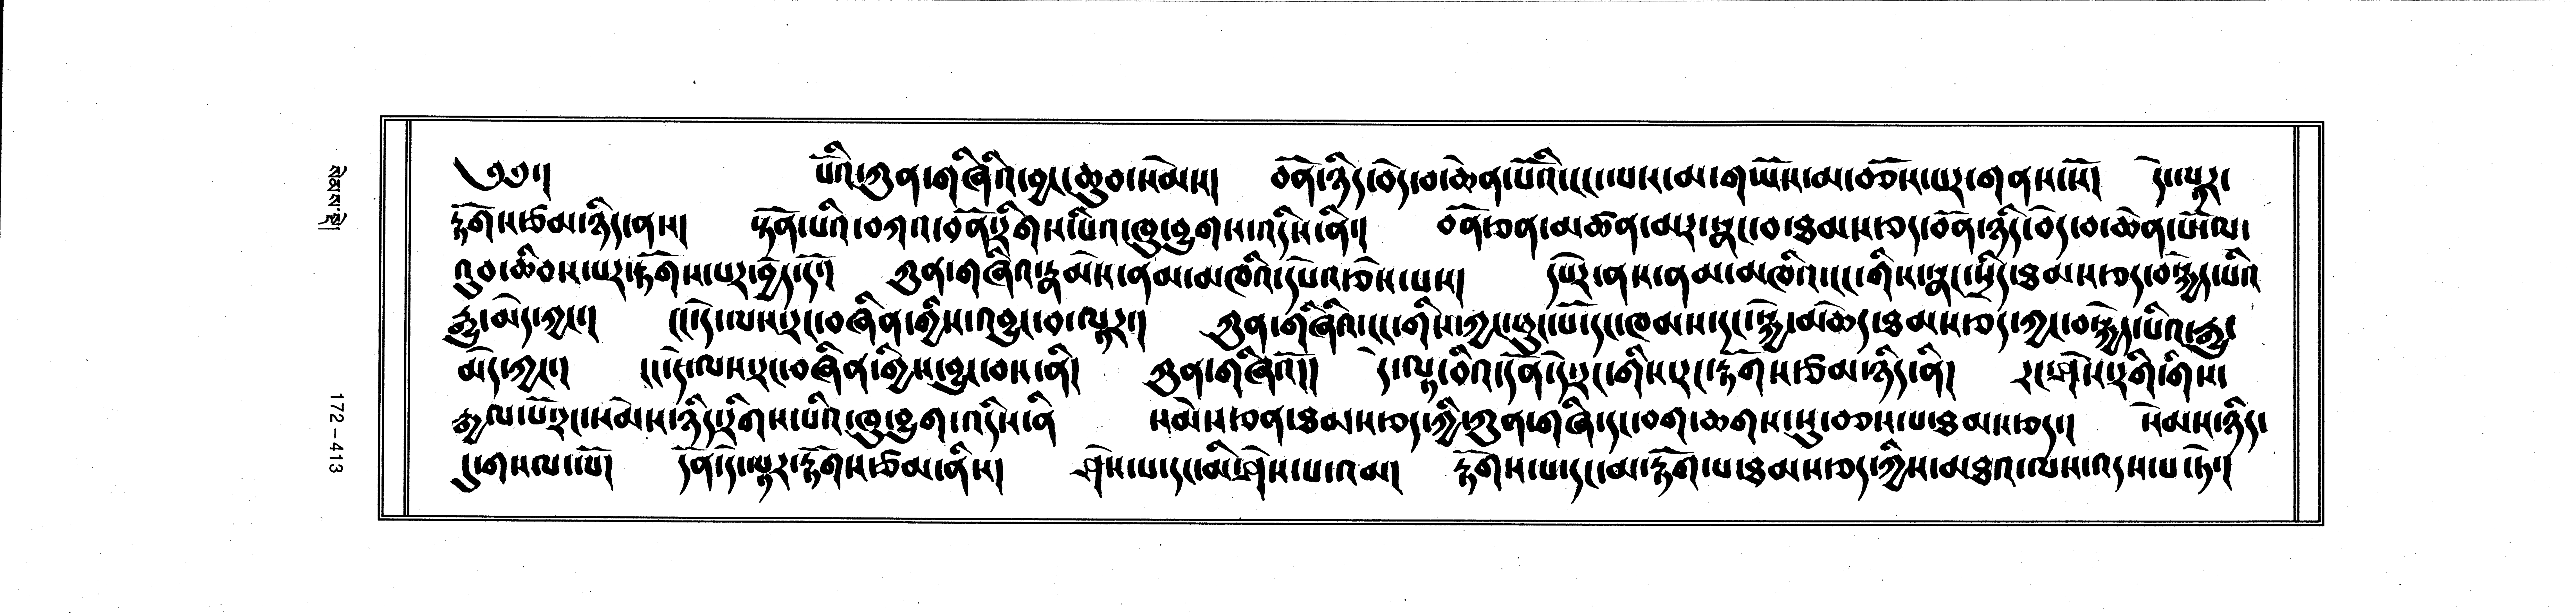པོའི་ཀུན་གཞིའི་བྱང་ཆུབ་སེམས། བོན་ཉིད་བདེ་བ་ཆེན་པོའི་ངང་ལས་མ་གཡོས་མ་བཅོས་པར་གནས་སོ། དེ་ལྟར་
རྟོགས་ཙམ་ཉིད་ནས། སྟོན་པའི་བཀའ་བོན་རིག་པའི་ཁུ་བྱུགས་འདིས་ནི། བོན་ཅན་མཚན་མར་སྣང་བ་ཐམས་ཅད་བོན་ཉིད་བདེ་བ་ཆེན་པོ་ལ་
འུབ་ཆིབས་པར་རྟོགས་པར་བྱེད་དོ། ཀུན་གཞིའ་རྣམ་ཤེས་ནམ་མཁའི་དཔེའ་ཅེས་པས། དཔེར་ན་ནམ་མཁའི་ངང་གིས་སྣང་སྲིད་ཐམས་ཅད་བསྐྱེད་པའི་
རྒྱུ་མེད་ཀྱང་། ངང་དེ་ལས་རང་བཞིན་གྱིས་འབྱུང་བ་ལྟར། ཀུན་གཞིའི་ངང་གིས་ཀྱང་ཕུང་པོ་དང་ཁམས་དང་སྐྱེ་མཆེད་ཐམས་ཅད་ཀྱང་བསྐྱེད་པའི་རྒྱུ་
མེད་ཀྱང་། ངང་དེ་ལས་རང་བཞིན་གྱིས་བྱུང་བས་ནི། ཀུན་གཞིའོ། དེ་ལྟར་བའི་དོན་དེ་རང་གིས་རང་རྟོགས་ཙམ་ཉིད་ནི། རང་ཤེས་རིག་གིས་
རྒྱལ་པོ་རང་སེམས་ཉིད་རིགས་པའི་ཁུ་བྱུག་འདིས་ནི། སེམས་ཅན་ཐམས་ཅད་ཀྱི་ཀུན་གཞི་དང་བག་ཆགས་སུ་བཅས་པ་ཐམས་ཅད། སེམས་ཉིད་
དུ་གསལ་ལོ། དོན་དེ་ལྟར་རྟོགས་ཙམ་ནིས། ཤེས་པ་དང་མི་ཤེས་པ་འམ། རྟོགས་པ་དང་མ་རྟོགས་པ་ཐམས་ཅད་ཀྱིས་མཐའ་ལས་འདས་པ་ཏེ།